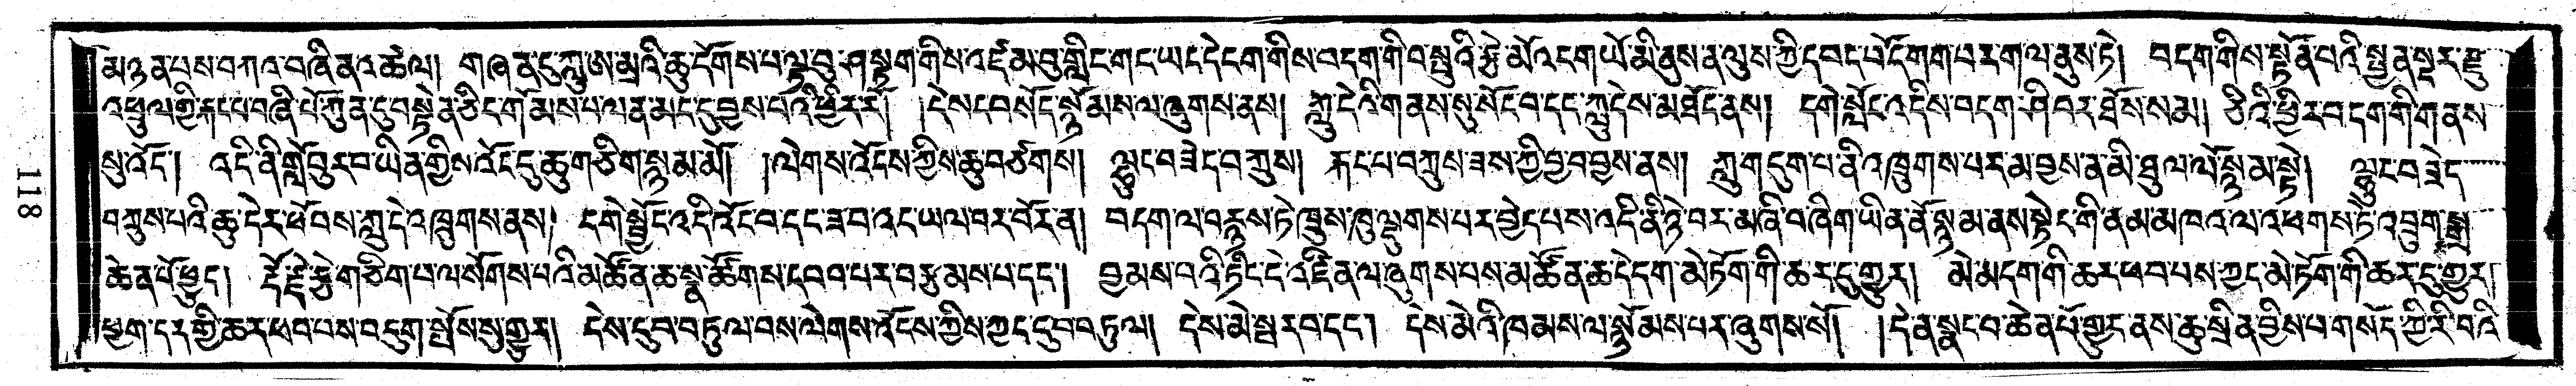མཉན་པས་བཀའ་བཞིན་འཚལ། གཞན་དུ་ཀླུ་ཨ་མྲའི་ཆུ་དོགས་པ་ལྟ་བུ་ཤ་སྟག་གིས་འཛམ་བུ་གླིང་གང་ཡང་དེ་དག་གིས་བདག་གི་བ་སྤུའི་རྩེ་མོའང་གཡོ་མི་ནུས་ན་ལུས་ཀྱི་དབང་པོ་དགག་པར་གལ་ནུས་ཏེ། བདག་གིས་སྟོན་པའི་སྤྱན་སྔར་རྫུ་
འཕྲུལ་གྱི་རྐང་པ་བཞི་པོ་ཀུན་དུ་བསྟེན་ཅིང་གོམས་པ་ལན་མང་དུ་བྱས་པའི་ཕྱིར་རོ། །དེ་སང་བསོད་སྙོམས་ལ་ཞུགས་ནས། ཀླུ་དེའི་གནས་སུ་སོང་བ་དང་ཀླུ་དེས་མཐོང་ནས། དགེ་སློང་འདིས་བདག་ཤི་བར་ཐོས་སམ། ཅིའི་ཕྱིར་བདག་གི་གནས་
སུ་འོང་། འདི་ནི་གློ་བུར་བ་ཡིན་གྱིས་འོང་དུ་ཆུ་གཅིག་སྙམ་མོ། །ལེགས་འོངས་ཀྱིས་ཆུ་བཙགས། ལྷུང་བཟེད་བཀྲུས། རྐང་པ་བཀྲུས་ཟས་ཀྱི་བྱ་བ་བྱས་ནས། ཀླུ་གདུག་པ་ནི་འཁྲུགས་པར་མ་བྱས་ན་མི་ཐུལ་ལོ་སྙམ་སྟེ། ལྷུང་བཟེད་
བཀྲུས་པའི་ཆུ་དེར་ཕོབས་ཀླུ་དེ་འཁྲུགས་ནས། དགེ་སྦྱོང་འདི་འོང་བ་དང་ཟ་བའང་ཡལ་བར་བོར་ན། བདག་ལ་བརྙས་ཏེ་ཁྲུས་ཁུ་ལྡུགས་པར་བྱེད་པས་འདི་ནི་ཉེ་བར་མ་ཞི་བ་ཞིག་ཡིན་ནོ་སྙམ་ནས་སྟེང་གི་ནམ་མཁའ་ལ་འཕགས་ཏེ་འབྲུག་སྒྲ་
ཆེན་པོ་ཕྱུང་། རྡོ་རྗེ་རྩེ་གཅིག་པ་ལ་སོགས་པའི་མཚོན་ཆ་སྣ་ཚོགས་དབབ་པར་བརྩམས་པ་དང་། བྱམས་པའི་ཏིང་ངེ་འཛིན་ལ་ཞུགས་པས་མཚོན་ཆ་དེ་དག་མེ་ཏོག་གི་ཆར་དུ་གྱུར། མེ་མདག་གི་ཆར་ཕབ་པས་ཀྱང་མེ་ཏོག་གི་ཆར་དུ་གྱུར།
ཕྱག་དར་གྱི་ཆར་ཕབ་པས་བདུག་སྤོས་སུ་གྱུར། དེས་དུབ་བཏུལ་བས་ལེགས་འོངས་ཀྱིས་ཀྱང་དུ་བ་བཏུལ། དེས་མེ་སྦར་བ་དང་། དེས་མེའི་ཁམས་ལ་སྙོམས་པར་ཞུགས་སོ། །དེ་ན་སྣང་བ་ཆེན་པོ་གྱུར་ནས་ཆུ་སྲིན་བྱིས་པ་གསོད་ཀྱི་རི་བའི་